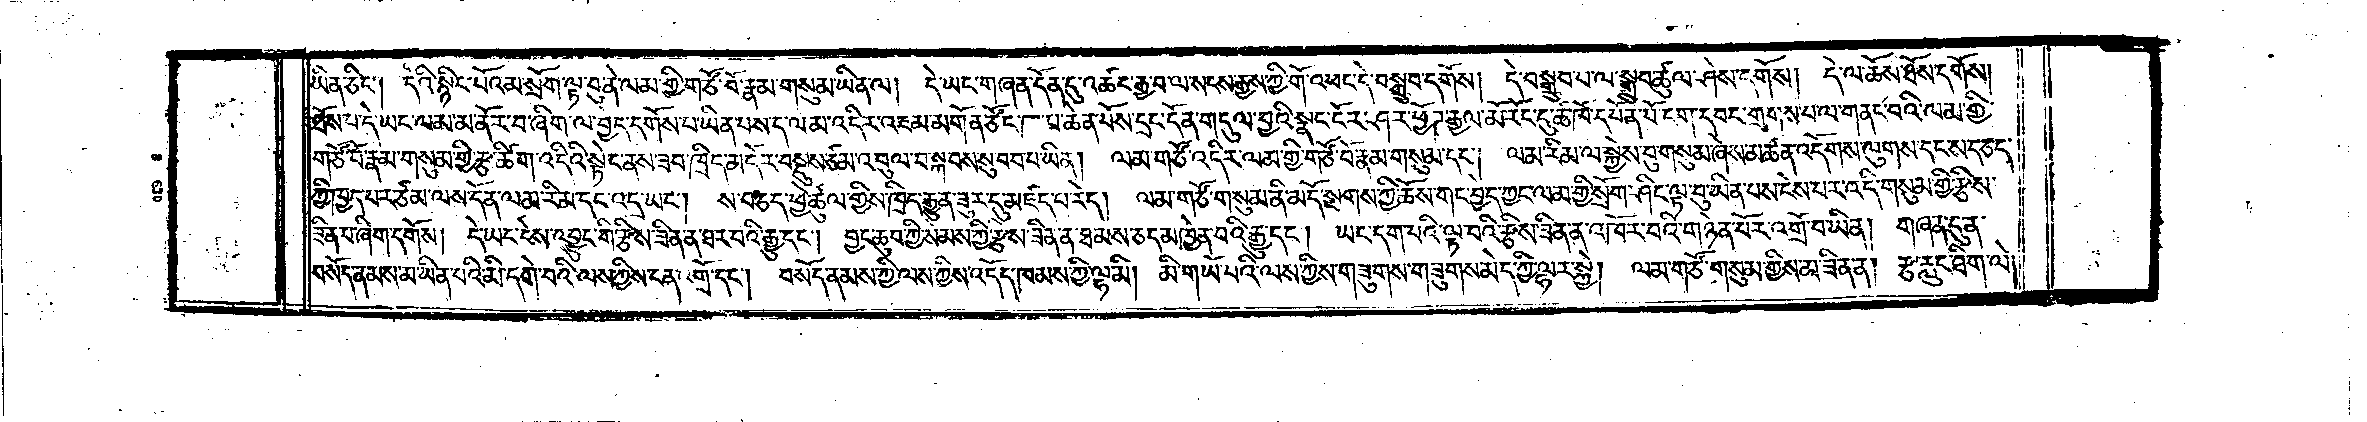ཡིན་ཅིང་། དེའི་སྙིང་པོའམ་སྲོག་ལྟ་བུ་ནི་ལམ་གྱི་གཙོ་བོ་རྣམ་གསུམ་ཡིན་ལ། དེ་ཡང་གཞན་དོན་དུ་འཚང་རྒྱ་བ་ལ་སངས་རྒྱས་ཀྱི་གོ་འཕང་དེ་བསྒྲུབ་དགོས། དེ་བསྒྲུབ་པ་ལ་སྒྲུབ་ཚུལ་ཤེས་དགོས། དེ་ལ་ཆོས་ཐོས་དགོས།
ཐོས་པ་དེ་ཡང་ལམ་མ་ནོར་བ་ཞིག་ལ་བྱེད་དགོས་པ་ཡིན་པས་ད་ལམ་འདིར་འཇམ་མགོན་ཙོང་ཁ་པ་ཆེན་པོས་དྲང་དོན་གདུལ་བྱའི་སྣང་ངོར་ཤར་ཕྱོགས་རྒྱལ་མོ་རོང་དུ་ཚ་ཁོ་དབོན་པོ་ངག་དབང་གྲགས་པ་ལ་གནང་བའི་ལམ་གྱི་
གཙོ་བོ་རྣམ་གསུམ་གྱི་རྩ་ཚིག་འདིའི་སྟེང་ནས་ཟབ་ཁྲིད་མདོར་བསྡུས་ཙམ་འབུལ་བ་སྐབས་སུ་བབ་པ་ཡིན། ལམ་གཙོ་འདིར་ལམ་གྱི་གཙོ་བོ་རྣམ་གསུམ་དང་། ལམ་རིམ་ལ་སྐྱེས་བུ་གསུམ་ཞེས་མཚན་འདོགས་ལུགས་དང་ས་བཅད་
ཀྱི་ཁྱད་པར་ཙམ་ལས་དོན་ལམ་རིམ་དང་འདྲ་ཡང་། ས་བཅད་ཕྱེ་ཚུལ་གྱིས་ཁྲིད་རྒྱུན་ཟུར་དུ་མཛད་པ་རེད། ལམ་གཙོ་གསུམ་ནི་མདོ་སྔགས་ཀྱི་ཆོས་གང་བྱེད་ཀྱང་ལམ་གྱི་སྲོག་ཤིང་ལྟ་བུ་ཡིན་པས་ངེས་པར་འདི་གསུམ་གྱི་རྩིས་
ཟིན་པ་ཞིག་དགོས། དེ་ཡང་ངེས་འབྱུང་གི་རྩིས་ཟིན་ན་ཐར་པའི་རྒྱུ་དང་། བྱང་ཆུབ་ཀྱི་སེམས་ཀྱི་རྩིས་ཟིན་ན་ཐམས་ཅད་མཁྱེན་པའི་རྒྱུ་དང་། ཡང་དག་པའི་ལྟ་བའི་རྩིས་ཟིན་ན་འཁོར་བའི་གཉེན་པོར་འགྲོ་བ་ཡིན། གཞན་དུ་ན་
བསོད་ནམས་མ་ཡིན་པའི་མི་དགེ་བའི་ལས་ཀྱིས་ངན་འགྲོ་དང་། བསོད་ནམས་ཀྱི་ལས་ཀྱིས་འདོད་ཁམས་ཀྱི་ལྷ་མི། མི་གཡོ་བའི་ལས་ཀྱིས་གཟུགས་གཟུགས་མེད་ཀྱི་ལྷར་སྐྱེ། ལམ་གཙོ་གསུམ་གྱིས་མ་ཟིན་ན། རྩ་རླུང་ཐིག་ལེ།